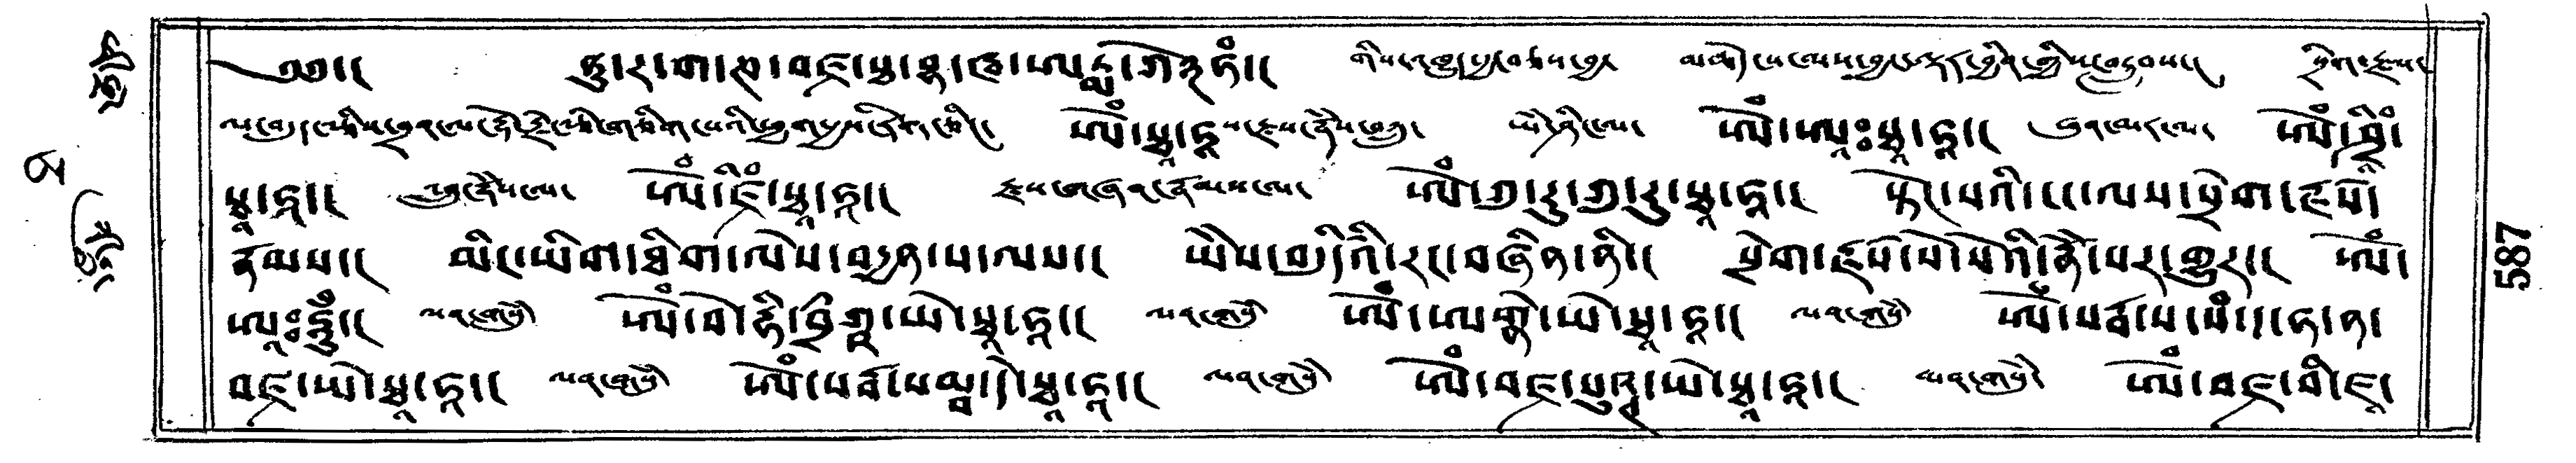ནུ་ར་ག་ཎ་བཛྲ་སྭ་བྷ་ཝ་ཨཏྨ་ཀོ྅་ཧཾཿ འཁྱུད་རྒྱ་བཅས་བྱ། མཆོད་པ་ལས་བྱང་ལྟར་བྱིན་གྱིས་བརླབས། སྲེག་རྫས་
ལ་བདུད་རྩིས་བྲན་ལ་རྡོ་རྗེ་རྩེ་གཅིག་པའི་ཕྱག་རྒྱས་རེག་ཅིང་། ཨོཾ་སྭ་ཧཱ། རྫས་རྣམས་བཀྲུ། ཡམ་ཤིང་ལ། ཨོཾ་ཨཱཿསྭ་ཧཱ། ཞུན་མར་ལ། ཨོཾ་ཤྲཱིཾ་
སྭ་ཧཱ། འབྲུ་རྣམས་ལ། ཨོཾ་ཛྲིཾ་སྭ་ཧཱ། རྫས་གཞན་རྣམས་ལ། ཨོཾ་ཀུ་རུ་ཀུ་རུ་སྭ་ཧཱ། སྟོང་པའི་ངང་ལས་སྲེག་རྫས་
རྣམས། །མིང་ཡིག་ཐིག་ལེས་བརྒྱན་པ་ལས། །ཡེ་ཤེས་བདུད་རྩིའི་རང་བཞིན་ནི། །སྲེག་རྫས་སོ་སོའི་རྣམ་པར་གྱུར། ཨོཾ་
ཨཱཿཧཱུྃ། ལན་གསུམ། ཨོཾ་བོ་དྷི་བྲྀཀྵ་ཡེ་སྭ་ཧཱ། ལན་གསུམ། ཨོཾ་ཨགྣེ་ཡེ་སྭ་ཧཱ། ལན་གསུམ། ཨོཾ་སརྦ་པ་པཾ་ད་ཧ་ན་
བཛྲ་ཡེ་སྭ་ཧཱ། ལན་གསུམ། ཨོཾ་སརྦ་སམྦ་དེ་སྭ་ཧཱ། ལན་གསུམ། ཨོཾ་བཛྲ་པུཎྚ་ཡེ་སྭ་ཧཱ། ལན་གསུམ། ཨོཾ་བཛྲ་བི་ཛཱ་